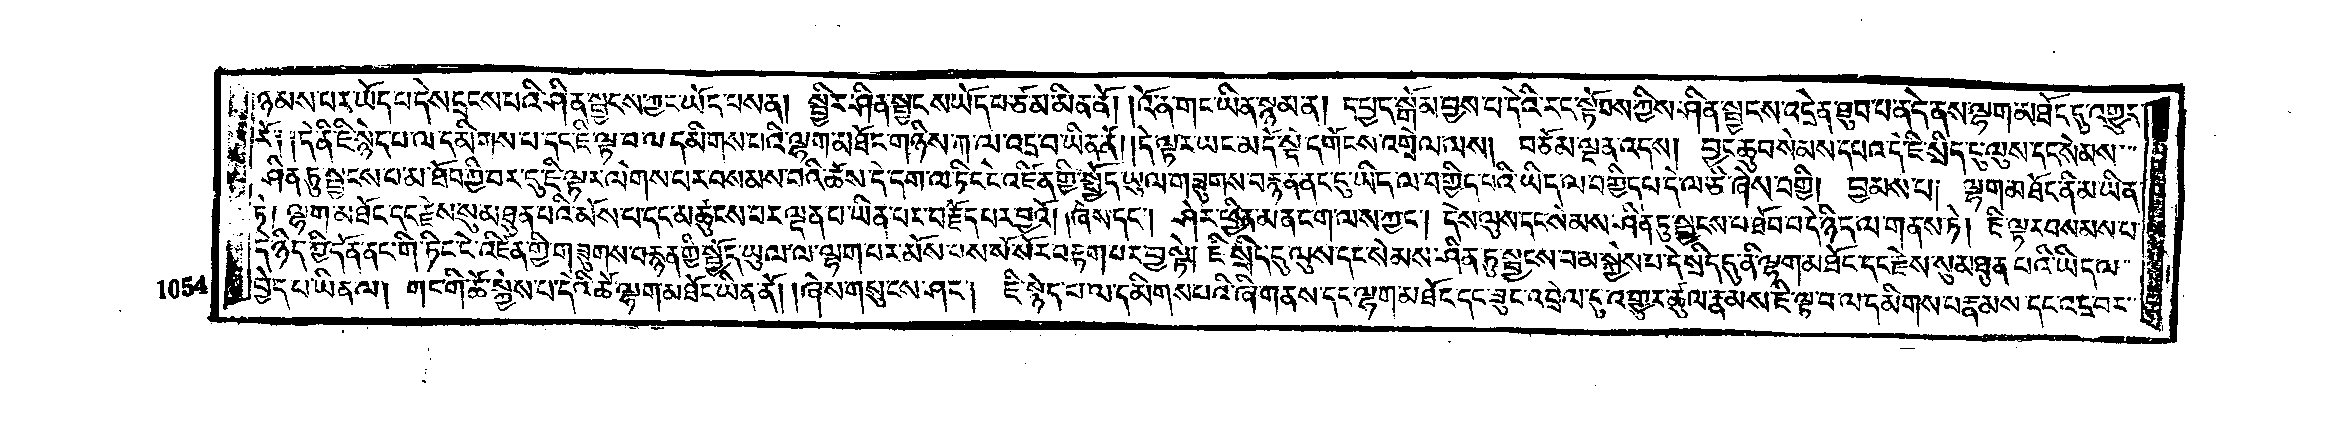ཉམས་པར་ཡོད་པ་དེས་དྲངས་པའི་ཤིན་སྦྱངས་ཀྱང་ཡོད་པས་ན། སྤྱིར་ཤིན་སྦྱངས་ཡོད་པ་ཙམ་མིན་ནོ། །འོ་ན་གང་ཡིན་སྙམ་ན། དཔྱད་སྒོམ་བྱས་པ་དེའི་རང་སྟོབས་ཀྱིས་ཤིན་སྦྱངས་འདྲེན་ཐུབ་པ་ན་དེ་ནས་ལྷག་མཐོང་དུ་འགྱུར་
རོ༑ ༑དེ་ནི་ཇི་སྙེད་པ་ལ་དམིགས་པ་དང་ཇི་ལྟ་བ་ལ་དམིགས་པའི་ལྷག་མཐོང་གཉིས་ཀ་ལ་འདྲ་བ་ཡིན་ནོ། །དེ་ལྟར་ཡང་མདོ་སྡེ་དགོངས་འགྲེལ་ལས། བཅོམ་ལྡན་འདས། བྱང་ཆུབ་སེམས་དཔའ་དེ་ཇི་སྲིད་དུ་ལུས་དང་སེམས་
ཤིན་ཏུ་སྦྱངས་པ་མ་ཐོབ་ཀྱི་བར་དུ་ཇི་ལྟར་ལེགས་པར་བསམས་པའི་ཆོས་དེ་དག་ལ་ཏིང་ངེ་འཛིན་གྱི་སྤྱོད་ཡུལ་གཟུགས་བརྙན་ནང་དུ་ཡིད་ལ་བགྱིད་པའི་ཡིད་ལ་བགྱིད་པ་དེ་ལ་ཅི་ཞེས་བགྱི། བྱམས་པ། ལྷག་མཐོང་ནི་མ་ཡིན་
ཏེ༑ ལྷག་མཐོང་དང་རྗེས་སུ་མཐུན་པའི་མོས་པ་དང་མཚུངས་པར་ལྡན་པ་ཡིན་པར་བརྗོད་པར་བྱའོ། །ཞེས་དང་། ཤེར་ཕྱིན་མན་ངག་ལས་ཀྱང་། དེས་ལུས་དང་སེམས་ཤིན་ཏུ་སྦྱངས་པ་ཐོབ་པ་དེ་ཉིད་ལ་གནས་ཏེ། ཇི་ལྟར་བསམས་པ་
དེ་ཉིད་ཀྱི་དོན་ནང་གི་ཏིང་ངེ་འཛིན་གྱི་གཟུགས་བརྙན་གྱི་སྤྱོད་ཡུལ་ལ་ལྷག་པར་མོས་པས་སོ་སོར་བརྟག་པར་བྱ་སྟེ། ཇི་སྲིད་དུ་ལུས་དང་སེམས་ཤིན་ཏུ་སྦྱངས་པ་མ་སྐྱེས་པ་དེ་སྲིད་དུ་ནི་ལྷག་མཐོང་དང་རྗེས་སུ་མཐུན་པའི་ཡིད་ལ་
བྱེད་པ་ཡིན་ལ། གང་གི་ཚེ་སྐྱེས་པ་དེའི་ཚེ་ལྷག་མཐོང་ཡིན་ནོ། །ཞེས་གསུངས་ཤིང་། ཇི་སྙེད་པ་ལ་དམིགས་པའི་ཞི་གནས་དང་ལྷག་མཐོང་དང་ཟུང་འབྲེལ་དུ་འགྱུར་ཚུལ་རྣམས་ཇི་ལྟ་བ་ལ་དམིགས་པ་རྣམས་དང་འདྲ་བར་